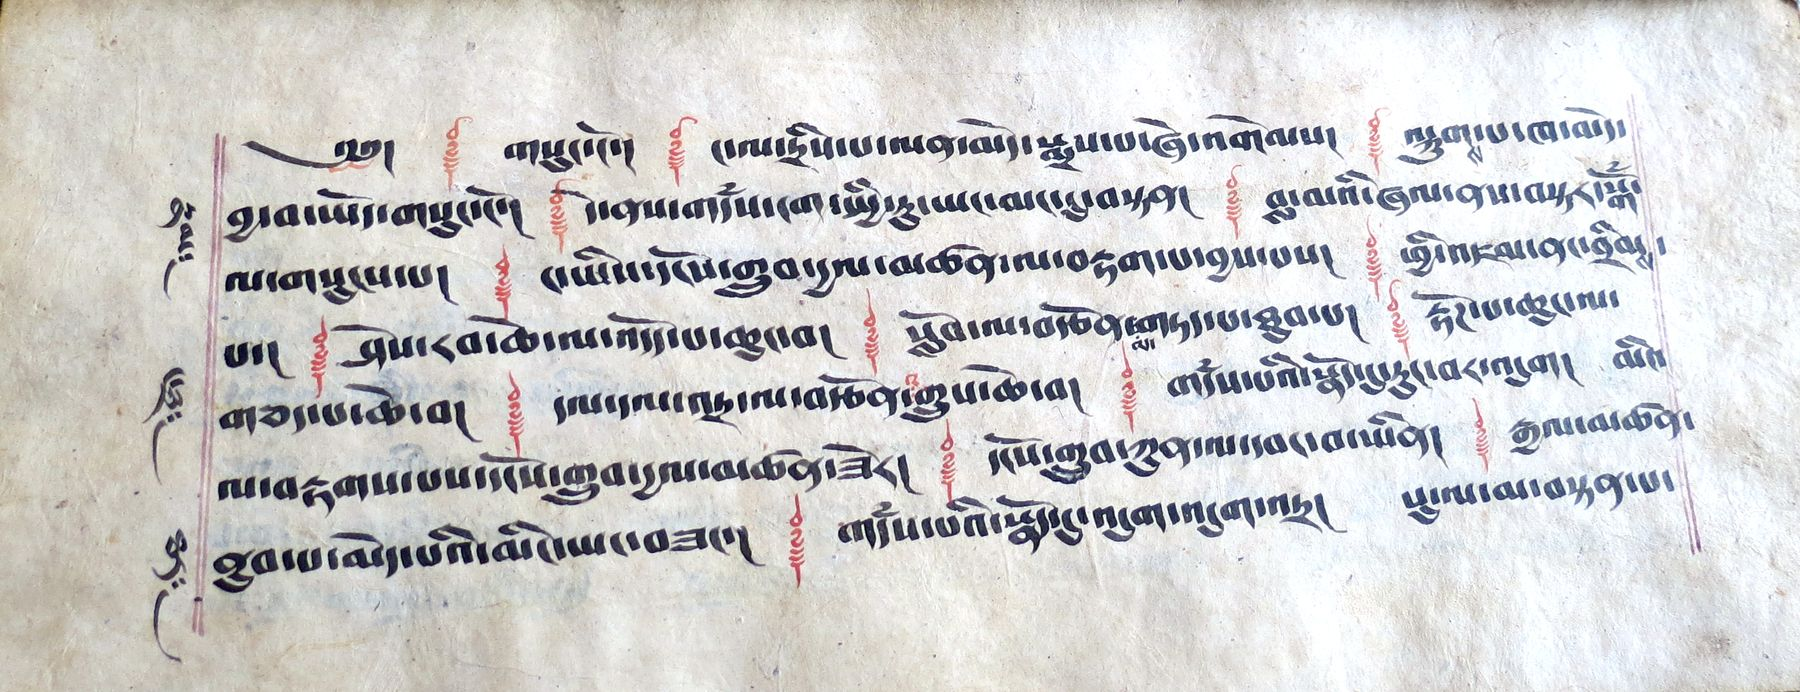གསུངས་སོ། ། ང་ལ་དྲིས་པ་ལན་མེད། སྨྲས་པ་ཞེ་འགེམ། ལྐུགས་པ་ཁ་མེད་
བྱ་བ་ཡོད་གསུངས་སོ། ། དེ་ནས་གདམས་ངག་སྤྱི་རུ་ཡང་མང་དུ་བསྟན། བླ་མའི་ཞལ་ནས་ལྷ་སྒོམ་
ལ་གསུངས་པ། ང་ཡིས་དངོས་གྲུབ་རྒྱལ་མཚན་ལ་བརྟགས་པ་བྱས་པས། ཕྱི་འཇམ་ལ་ནང་གྲིམས་
པ། ཤེས་རབ་ཆེ་ལ་འདོད་པ་ཆུང་བ། སློབ་ལ་བརྩོན་ལ་གཏད་པ་ཐུབ་པ། རྟོག་པ་ཆུང་ལ་
གཅད་པ་ཆེ་བ། དལ་དལ་འདྲ་བ་བརྩོན་འགྲུས་ཆེ་བ། གདམས་པའི་སྣོད་དུ་རུང་བ་འདུག མིང་
ལ་བརྟགས་པས་དངོས་གྲུབ་རྒྱལ་མཚན་ཟེར། དངོས་གྲུབ་ཀུན་ལ་དབང་བ་ཡིན། རྒྱལ་མཚན་
ནུབ་པ་མེད་པས་མིང་ཡང་བཟང་། གདམས་པའི་སྣོད་དུ་འདུག་འདུག་འདྲ། སུ་ལ་མ་བསྟན་པ་